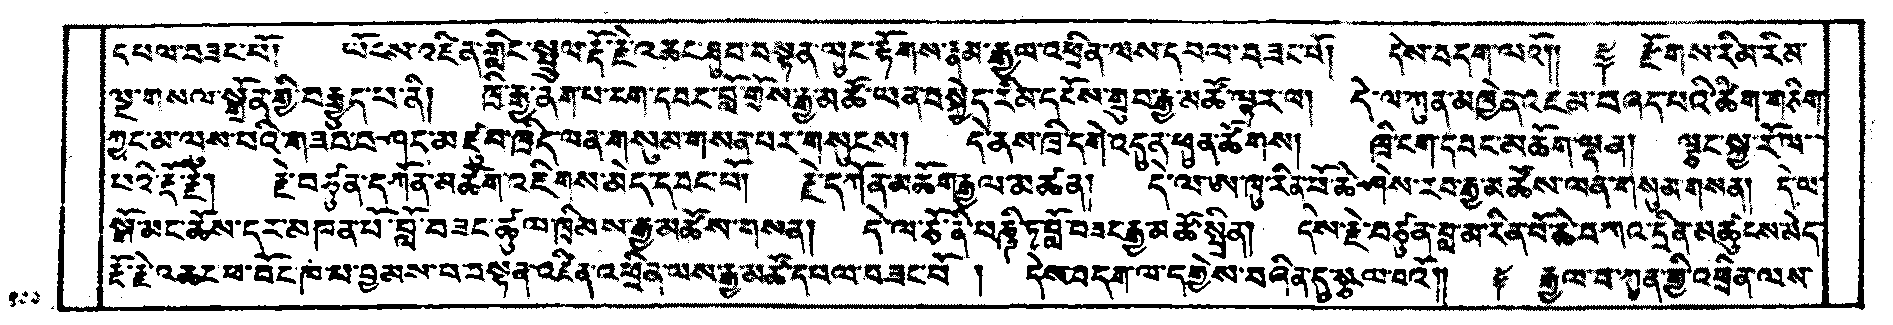དཔལ་བཟང་པོ། ཡོངས་འཛིན་གླིང་སྤྲུལ་རྡོ་རྗེ་འཆང་ཐུབ་བསྟན་ལུང་རྟོགས་རྣམ་རྒྱལ་འཕྲིན་ལས་དཔལ་བཟང་པོ། དེས་བདག་ལའོ།། ༈ རྫོགས་རིམ་རིམ་
ལྔ་གསལ་སྒྲོན་གྱི་བརྒྱུད་པ་ནི། ཁྲི་རྒྱ་ནག་པ་ངག་དབང་བློ་གྲོས་རྒྱ་མཚོ་ཡན་བསྐྱེད་རིམ་དངོས་གྲུབ་རྒྱ་མཚོ་ལྟར་ལ། དེ་ལ་ཀུན་མཁྱེན་འཇམ་བཞད་པའི་ཚིག་གཅིག་
ཀྱང་མ་ལུས་པའི་གཟབ་བཤད་མཛུབ་ཁྲིད་ལན་གསུམ་གསན་པར་གསུངས། དེ་ནས་ཁྲི་དགེ་འདུན་ཕུན་ཚོགས། ཁྲི་ངག་དབང་མཆོག་ལྡན། ལྕང་སྐྱ་རོལ་
པའི་རྡོ་རྗེ། རྗེ་བཙུན་དཀོན་མཆོག་འཇིགས་མེད་དབང་པོ། རྗེ་དཀོན་མཆོག་རྒྱལ་མཚན། དེ་ལ་ཨ་ཁུ་རིན་པོ་ཆེ་ཤེས་རབ་རྒྱ་མཚོས་ལན་གསུམ་གསན། དེ་ལ་
སྒོ་མང་ཆོས་དར་མཁན་པོ་བློ་བཟང་ཚུལ་ཁྲིམས་རྒྱ་མཚོས་གསན། དེ་ལ་ཅོ་ནི་པཎྜི་ཏ་བློ་བཟང་རྒྱ་མཚོ་སྤྲིན། དེས་རྗེ་བཙུན་བླ་མ་རིན་པོ་ཆེ་བཀའ་དྲིན་མཚུངས་མེད་
རྡོ་རྗེ་འཆང་ཕ་བོང་ཁ་པ་བྱམས་པ་བསྟན་འཛིན་འཕྲིན་ལས་རྒྱ་མཚོ་དཔལ་བཟང་པོ། དེས་བདག་ལ་དགྱེས་བཞིན་དུ་སྩལ་བའོ།། ༈ རྒྱལ་བ་ཀུན་གྱི་འཕྲིན་ལས་